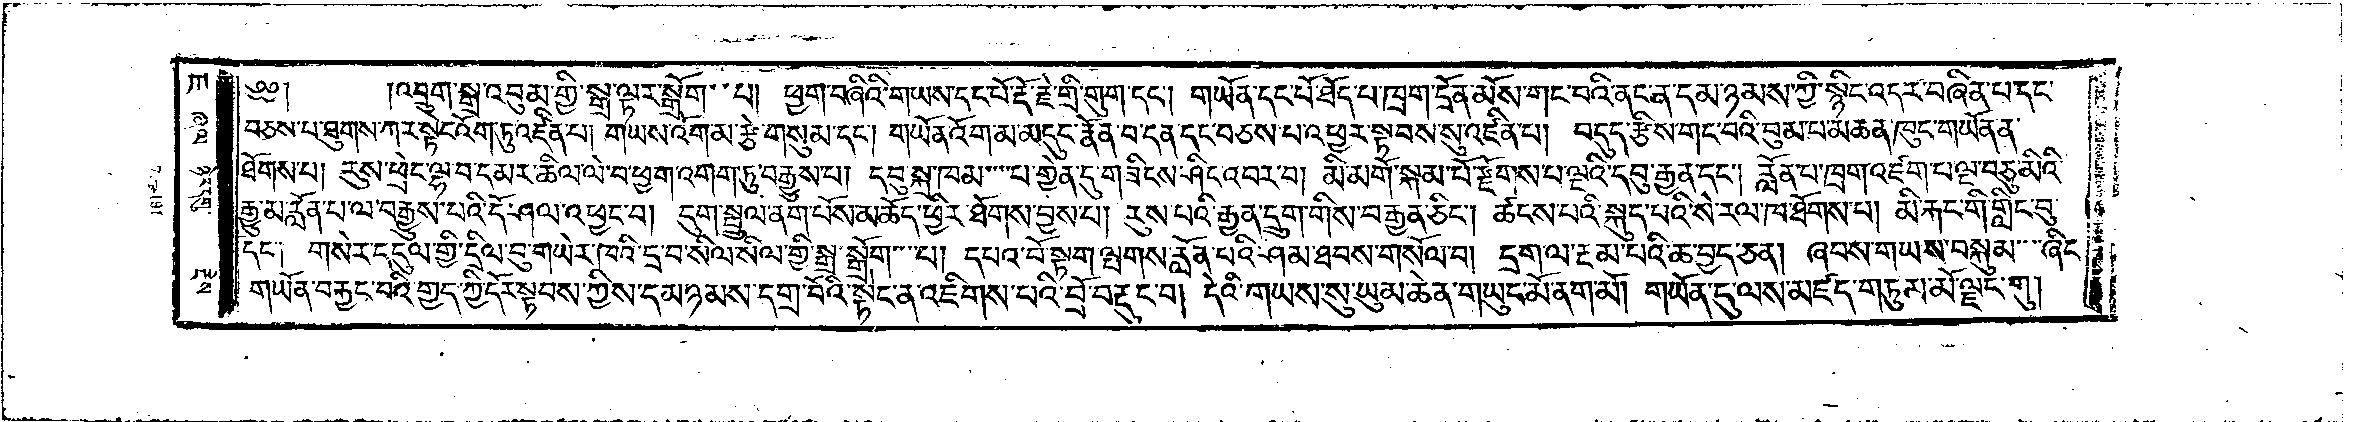༄༅། །འབྲུག་སྒྲ་འབུམ་གྱི་སྒྲ་ལྟར་སྒྲོག་པ། ཕྱག་བཞིའི་གཡས་དང་པོ་རྡོ་རྗེ་གྲི་གུག་དང་། གཡོན་དང་པོ་ཐོད་པ་ཁྲག་དྲོན་མོས་གང་བའི་ནང་ན་དམ་ཉམས་ཀྱི་སྙིང་འདར་བཞིན་པ་དང་
བཅས་པ་ཐུགས་ཀར་སྟེང་འོག་ཏུ་འཛིན་པ། གཡས་འོག་མ་རྩེ་གསུམ་དང་། གཡོན་འོག་མ་མདུང་རྣོན་བ་དན་དང་བཅས་པ་འཕྱར་སྟབས་སུ་འཛིན་པ། བདུད་རྩིས་གང་བའི་བུམ་པ་མཆན་ཁུང་གཡོན་ན་
ཐོགས་པ། རུས་ཕྲེང་ལྷ་པ་དམར་ཆིལ་ལེ་བ་ཕྱག་འགག་ཏུ་བརྒྱུས་པ། དབུ་སྐྲ་ཁམ་པ་གྱེན་དུ་གཟིངས་ཤིང་འབར་བ། མི་མགོ་སྐམ་པོ་རྫོགས་པ་ལྔའི་དབུ་རྒྱན་དང་། རློན་པ་ཁྲག་འཛག་པ་ལྔ་བཅུ་མིའི་
རྒྱུ་མ་རློན་པ་ལ་བརྒྱུས་པའི་དོ་ཤལ་འཕྱང་བ། དུག་སྦྲུལ་ནག་པོས་མཆོད་ཕྱིར་ཐོགས་བྱས་པ། རུས་པའི་རྒྱན་དྲུག་གིས་བརྒྱན་ཅིང་། ཚངས་པའི་སྐུ་བ་པའི་སེ་རལ་ཁ་ཐོགས་པ། མི་རྐང་གི་གླིང་པུ་
དང༑ གསེར་དངུལ་གྱི་དྲིལ་བུ་གཡེར་ཁའི་དྲ་བ་སིལ་སིལ་གྱི་སྒྲ་སྒྲོག་པ། དཔའ་བོ་སྟག་ལྤགས་རློན་པའི་ཤམ་ཐབས་གསོལ་བ། དྲག་ལ་རྔ་མ་པའི་ཆ་བྱད་ཅན། ཞབས་གཡས་བསྐུམ་ཞིང་
གཡོན་བརྐྱང་བའི་གྱད་ཀྱི་དོར་སྟབས་ཀྱིས་དམ་ཉམས་དགྲ་བོའི་སྟེང་ན་འཇིགས་པའི་བྲོ་བརྡུང་བ། དེའི་གཡས་སུ་ཡུམ་ཆེན་གཡུང་མོ་ནག་མོ། གཡོན་དུ་ལས་མཛད་གཏུམ་མོ་ལྗང་གུ།